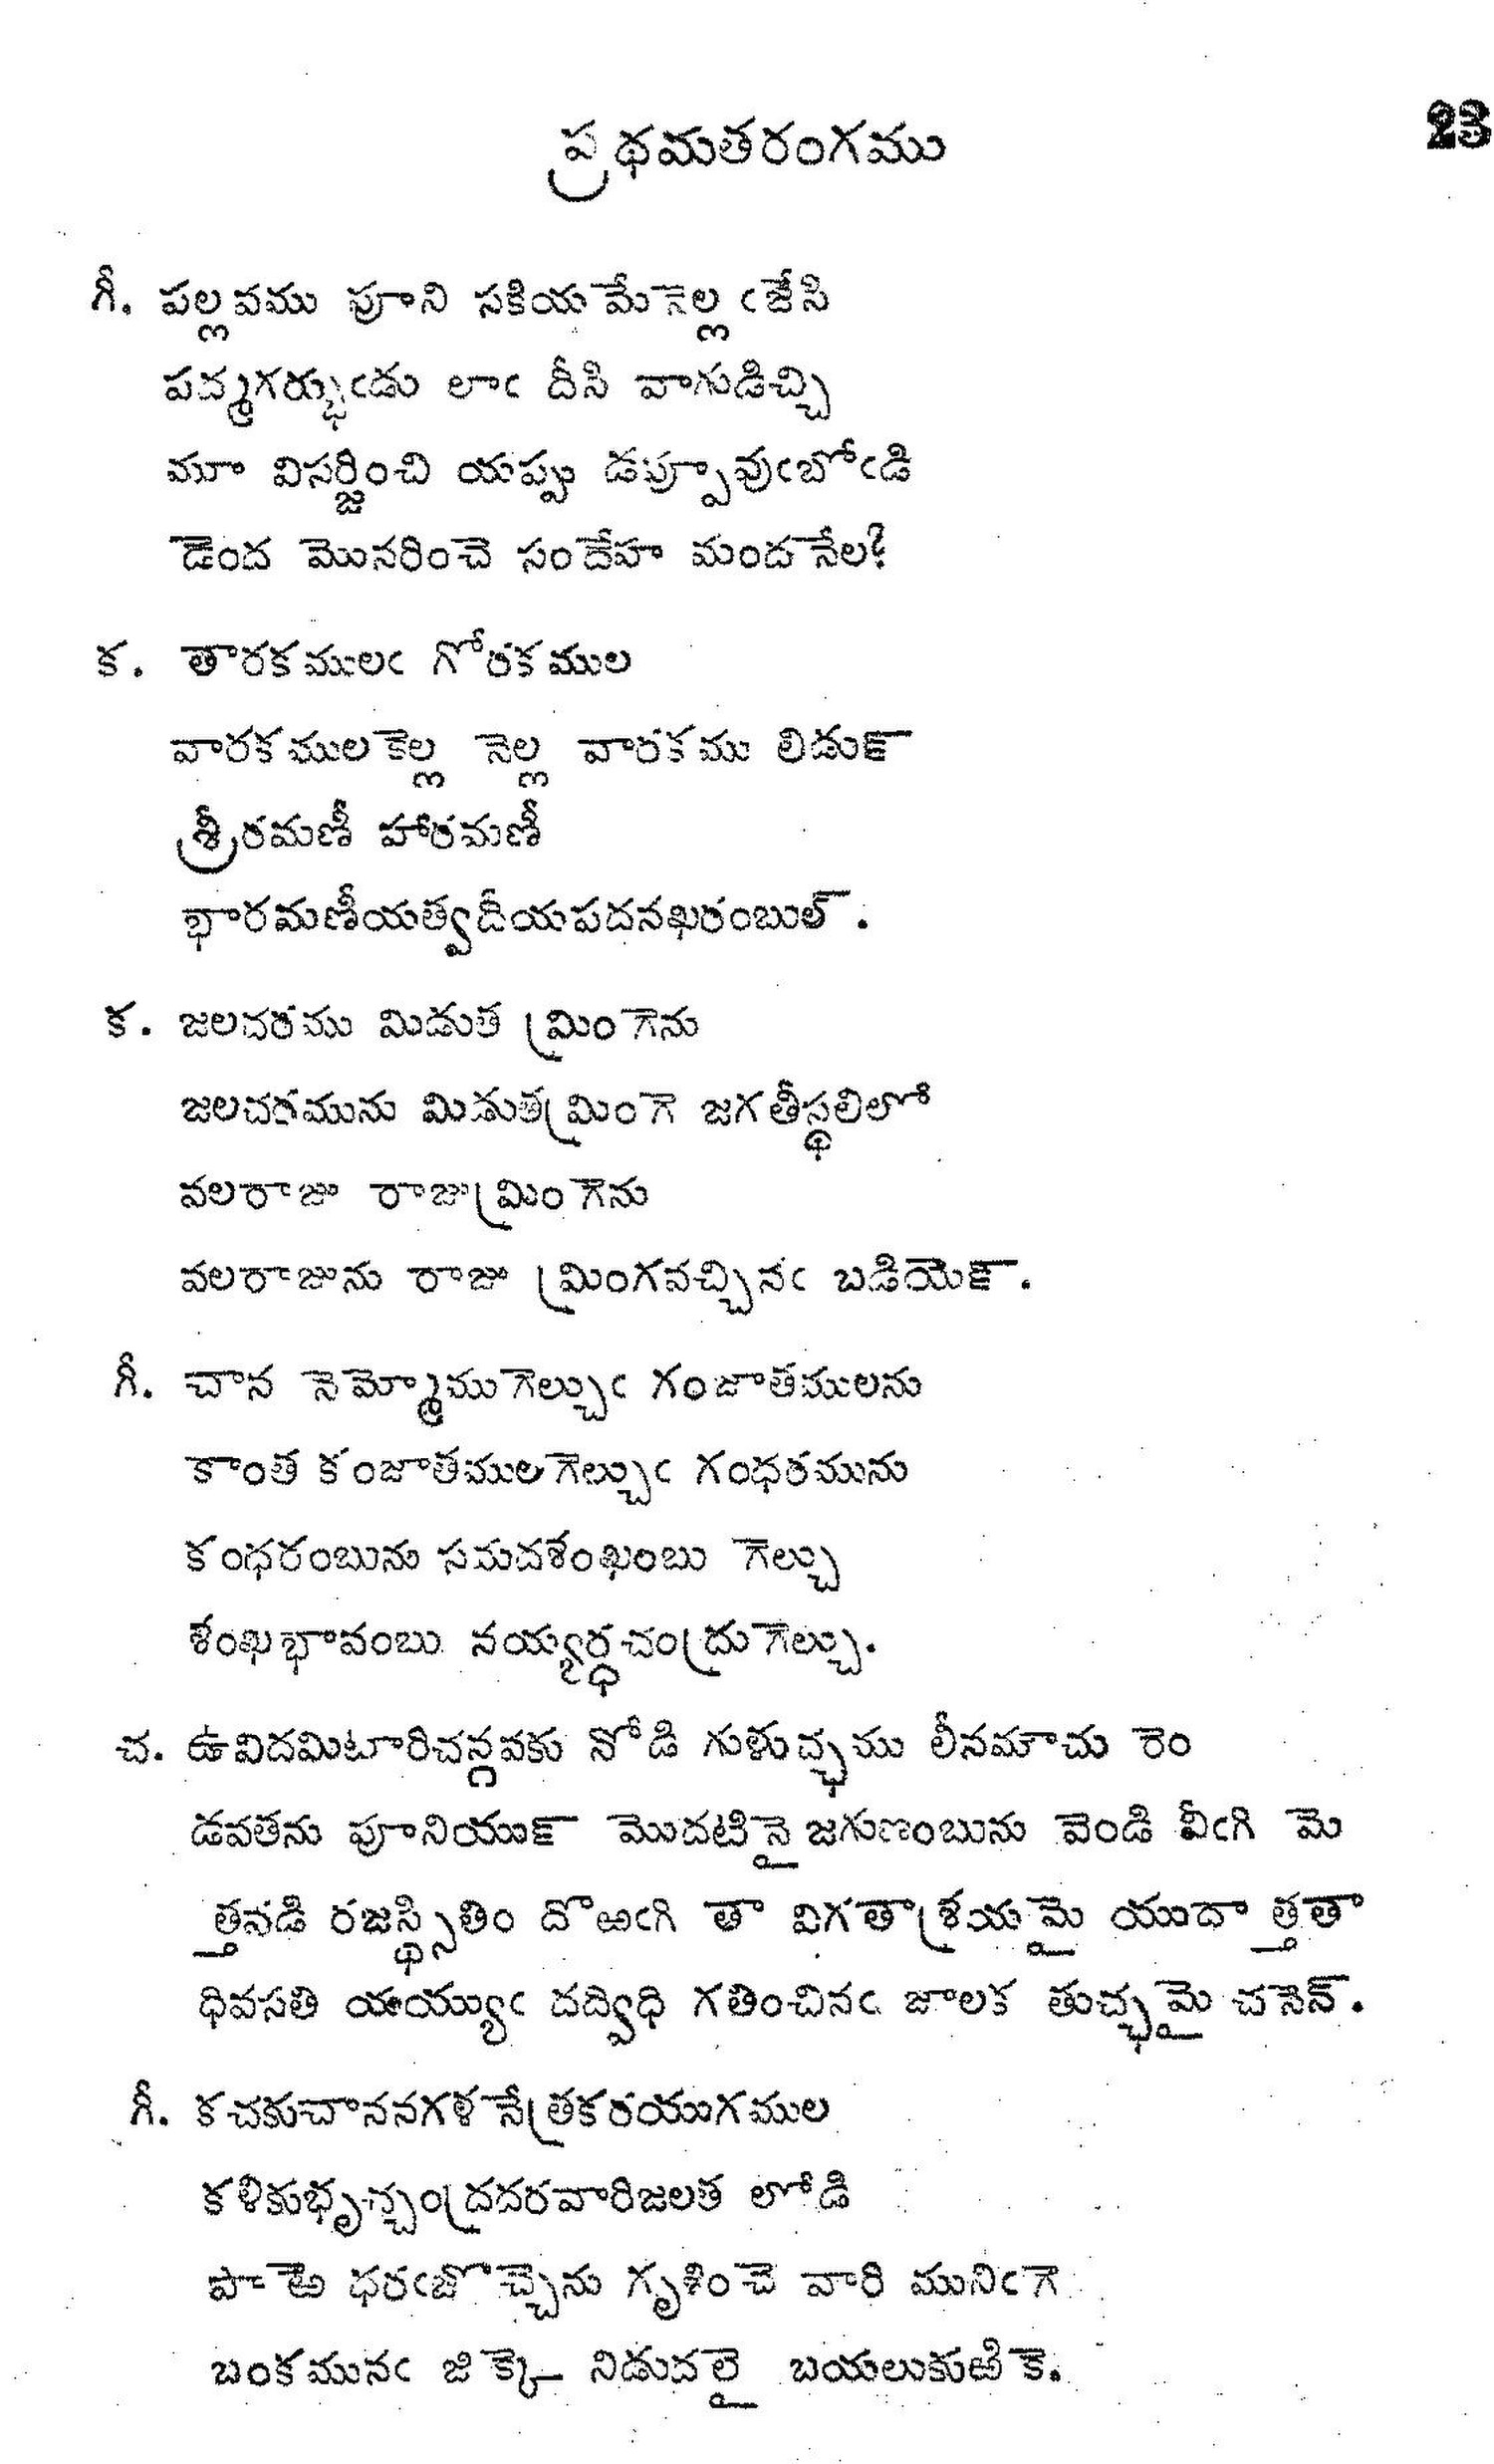గీ. పల్లవము పూని సకియమే నెల్లఁజేసి
 పద్మగర్భుఁడు లాఁ దీసి వాగుడిచ్చి
 మూ విసర్జించి యప్పు డప్పూవుఁబోఁడి
 డెంద మొనరించె సందేహ మందనేల?

క. తారకములఁ గోరకముల
 వారకములకెల్ల నెల్ల వారకము లిడున్
 శ్రీరమణీహారమణీ
 భారమణీయత్వదీయపదనఖరంబుల్.

క. జలవరము మిడుత మ్రింగెను
 జలచరమును మిడుత మ్రింగె జగతీస్థలిలో
 వలరాజు రాజు మ్రింగెను
 వలరాజును రాజు మ్రింగవచ్చినఁ బడియెన్.

గీ. చాన నెమ్మోము గెల్చుఁ గంజాతములను
 కాంత కంజాతముల గెల్చుఁ గంధరమును
 కంధరంబును సమదశంఖంబు గెల్చు
 శంఖభావంబు నయ్యర్ధచంద్రు గెల్చు.

చ. ఉవిదమిటారిచన్గవకు నోడి గుళుచ్ఛము లీనమౌచు రెం
 డవతను పూనియున్ మొదటినైజగుణంబును వెండి వీఁగి మె
 త్తవడి రజస్స్థితిం దొఱఁగి తా విగతాశ్రయమై యుదాత్తతా
 ధివసతి యయ్యుఁ దద్విధి గతించినఁ జాలక తుచ్ఛమై చనెన్.

గీ. కచకుచాననగళనేత్రకరయుగముల
 కళికుభృచ్చంద్రదరవారిజలత లోడి
 పాఱె ధరఁజొచ్చెను గృశించె వారి మునిఁగె
 బంకమునఁ జిక్కె నిడుదలై బయలుకుఱికె.